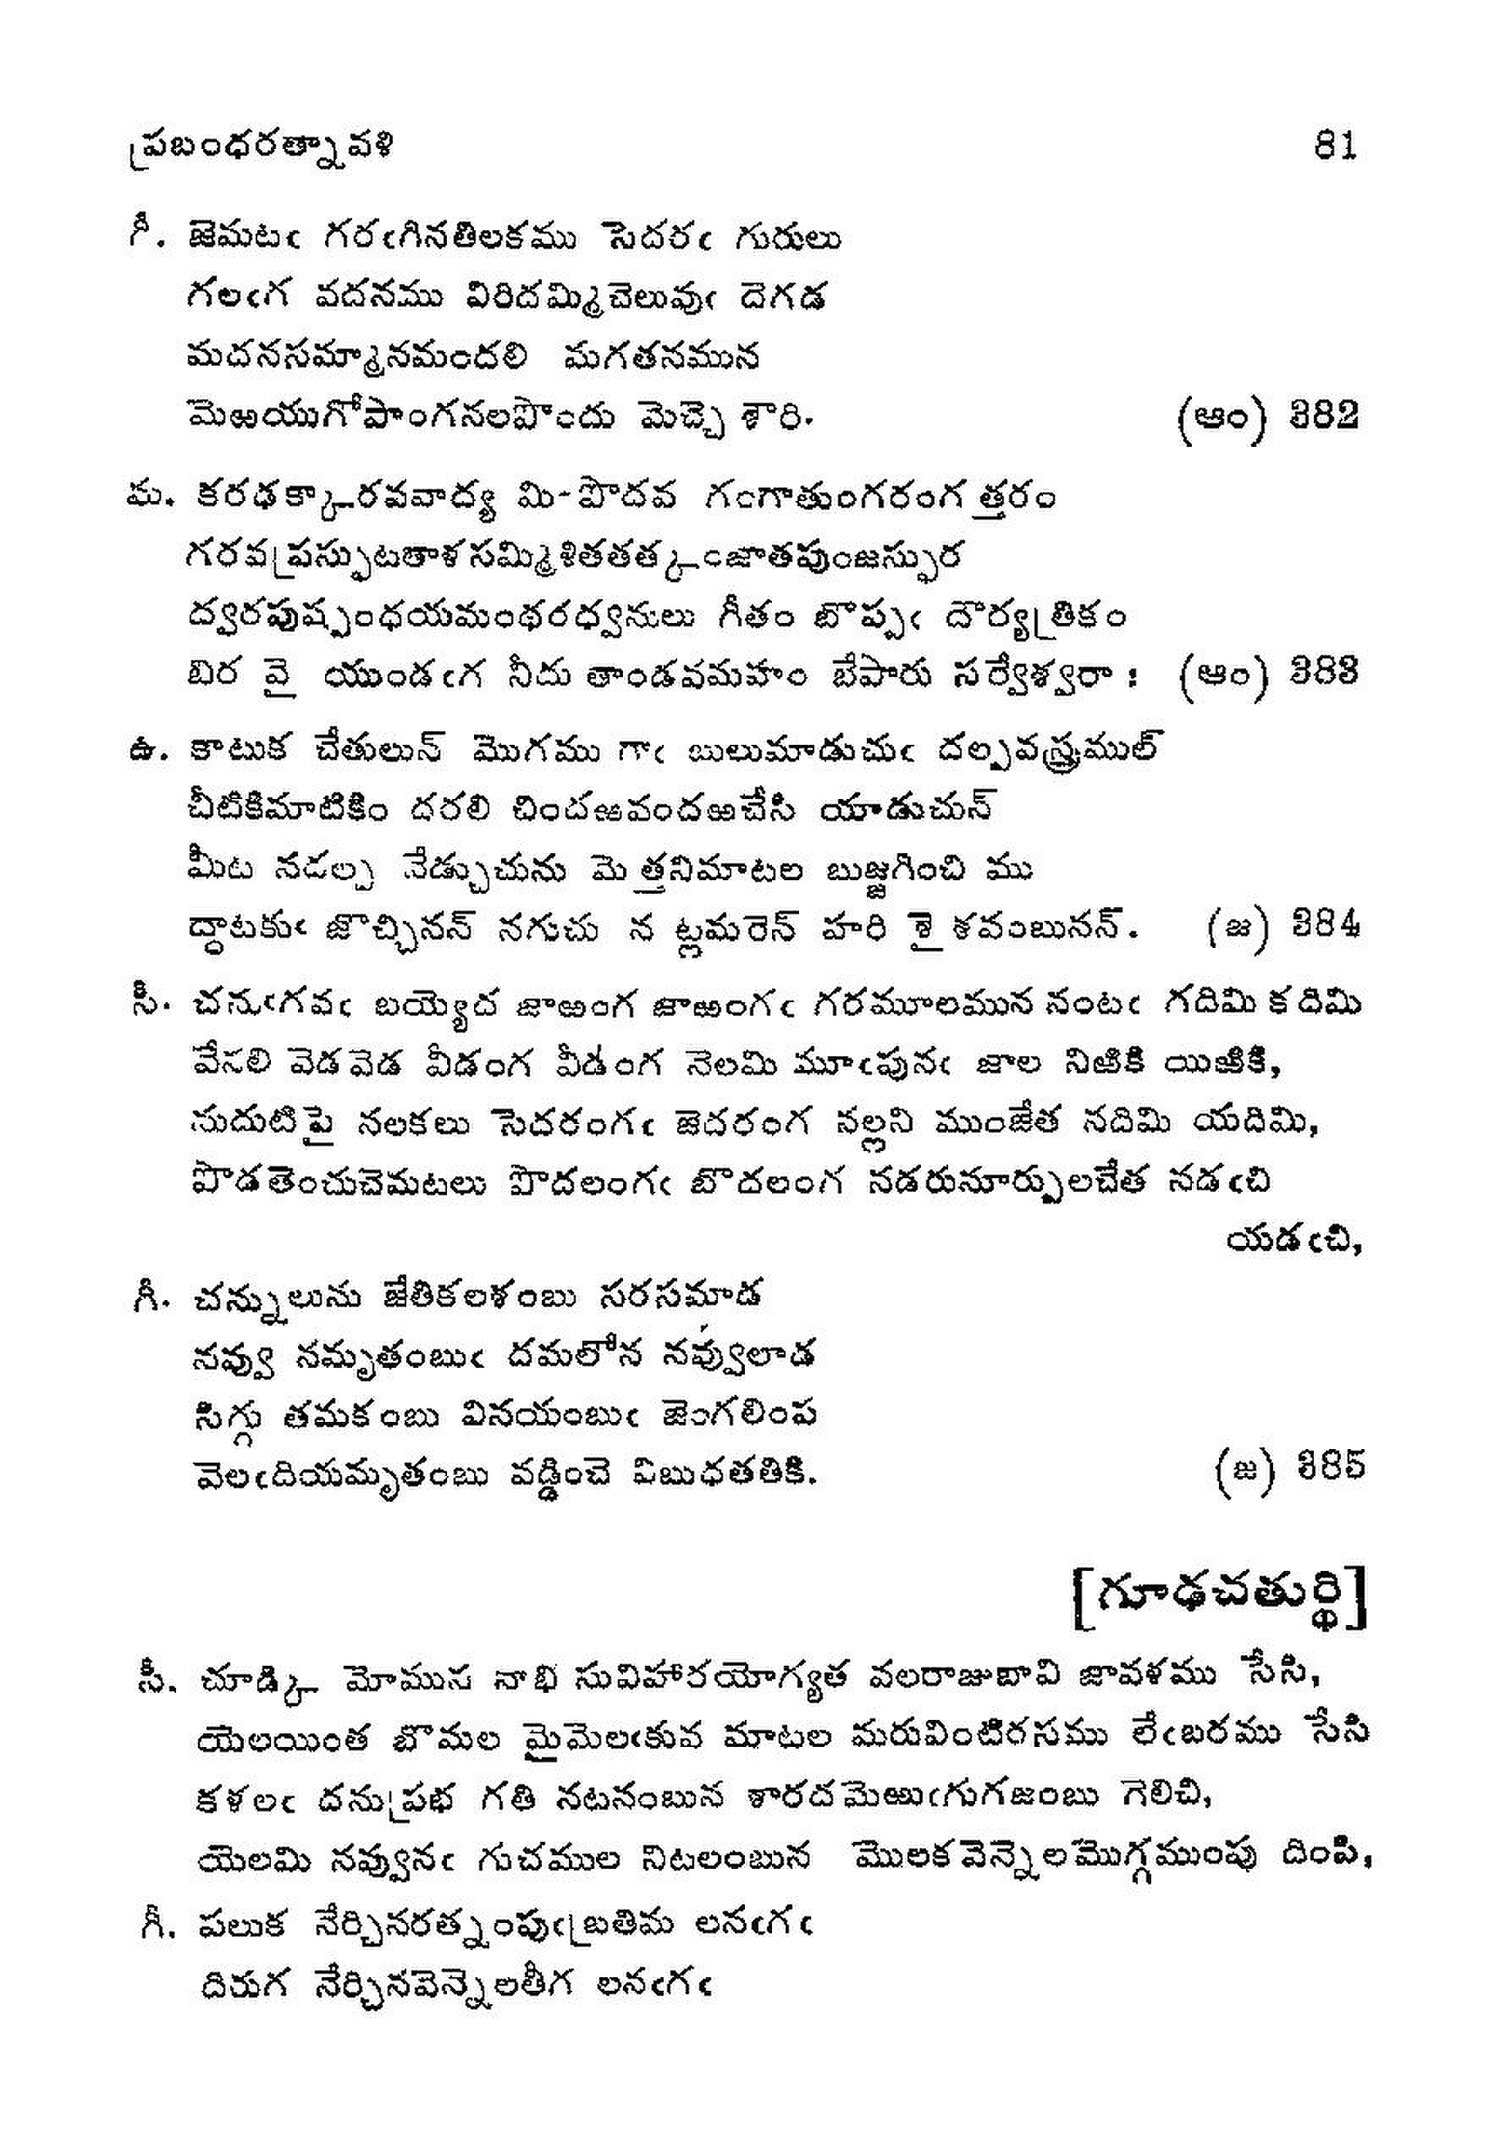గీ. జెమటఁ గరఁగినతిలకము సెదరఁ గురులు
గలఁగ వదనము విరిదమ్మిచెలువుఁ దెగడ
మదనసమ్మానమందలి మగతనమున
మెఱయు గోపాంగనల పొందు మెచ్చె శౌరి. (ఆం) 382

మ. కరఢక్కారవవాద్య మింపొదవ గంగాతుంగ రంగత్తరం
గ రవప్రస్ఫుటతాళసమ్మిళిత తత్కంజాతపుంజస్ఫుర
ద్వరపుష్పంధయ మంథరధ్వనులు గీతంబొప్పఁ దౌర్యత్రికం
బిరవై యుండఁగ నీదు తాండవ మహం బేపారు సర్వేశ్వరా! (ఆం) 383

ఉ. కాటుక చేతులున్ మొగము గాఁ బులుమాడుచుఁ దల్పవస్త్రముల్
చీటికిమాటికిం దరలి చిందఱవందఱచేసి యాడుచున్
మీట నదల్ప నేడ్చుచును మెత్తనిమాటల బుజ్జగించి ము
ద్దాటకుఁ జొచ్చినన్ నగుచు నట్లమరెన్ హరి శైశవంబునన్. (జ) 384

సీ. చనుఁగవఁ బయ్యెద జాఱంగ జాఱంగఁ గరమూలమున నంటఁ గదిమి కదిమి,
వేనలి వెడవెడ వీడంగ వీడంగ నెలమి మూఁపునఁ జాల నిఱికి యిఱికి
నుదుటిపై నలకలు సెదరంగఁ జెదరంగ నల్లని ముంజేత నదిమి యదిమి
పొడతెంచు చెమటలు పొదలంగఁ బొదలంగ నడరు నూర్పులచేత నడఁచి యడఁచి
గీ. చన్నులును జేతికలశంబు సరసమాడ
నవ్వు నమృతంబుఁ దమలోన నవ్వులాడ
సిగ్గు తమకంబు వినయంబుఁ జెంగలింప
వెలఁది యమృతము వడ్డించె విబుధతతికి. (జ) 385

సీ. చూడ్కి మోమున నాభి సువిహార యోగ్యత వలరాజుబావి జావళము సేసి,
యెలయింత బొమల మై మెలఁకువ మాటల మరువింటి రసము లేఁబరము సేసి,
కళలఁ దనుప్రభ గతి నటనంబున శారదమెఱుఁగు గజంబు గెలిచి,
యెలమి నవ్వునఁ గుచముల నిటలంబున మొలకవెన్నెలమొగ్గ ముంపు దింపి,
గీ. పలుగ నేర్చిన రత్నంపుఁబ్రతిమలనఁగఁ
దిరుగ నేర్చిన వెన్నెల తీఁగెలనఁగఁ